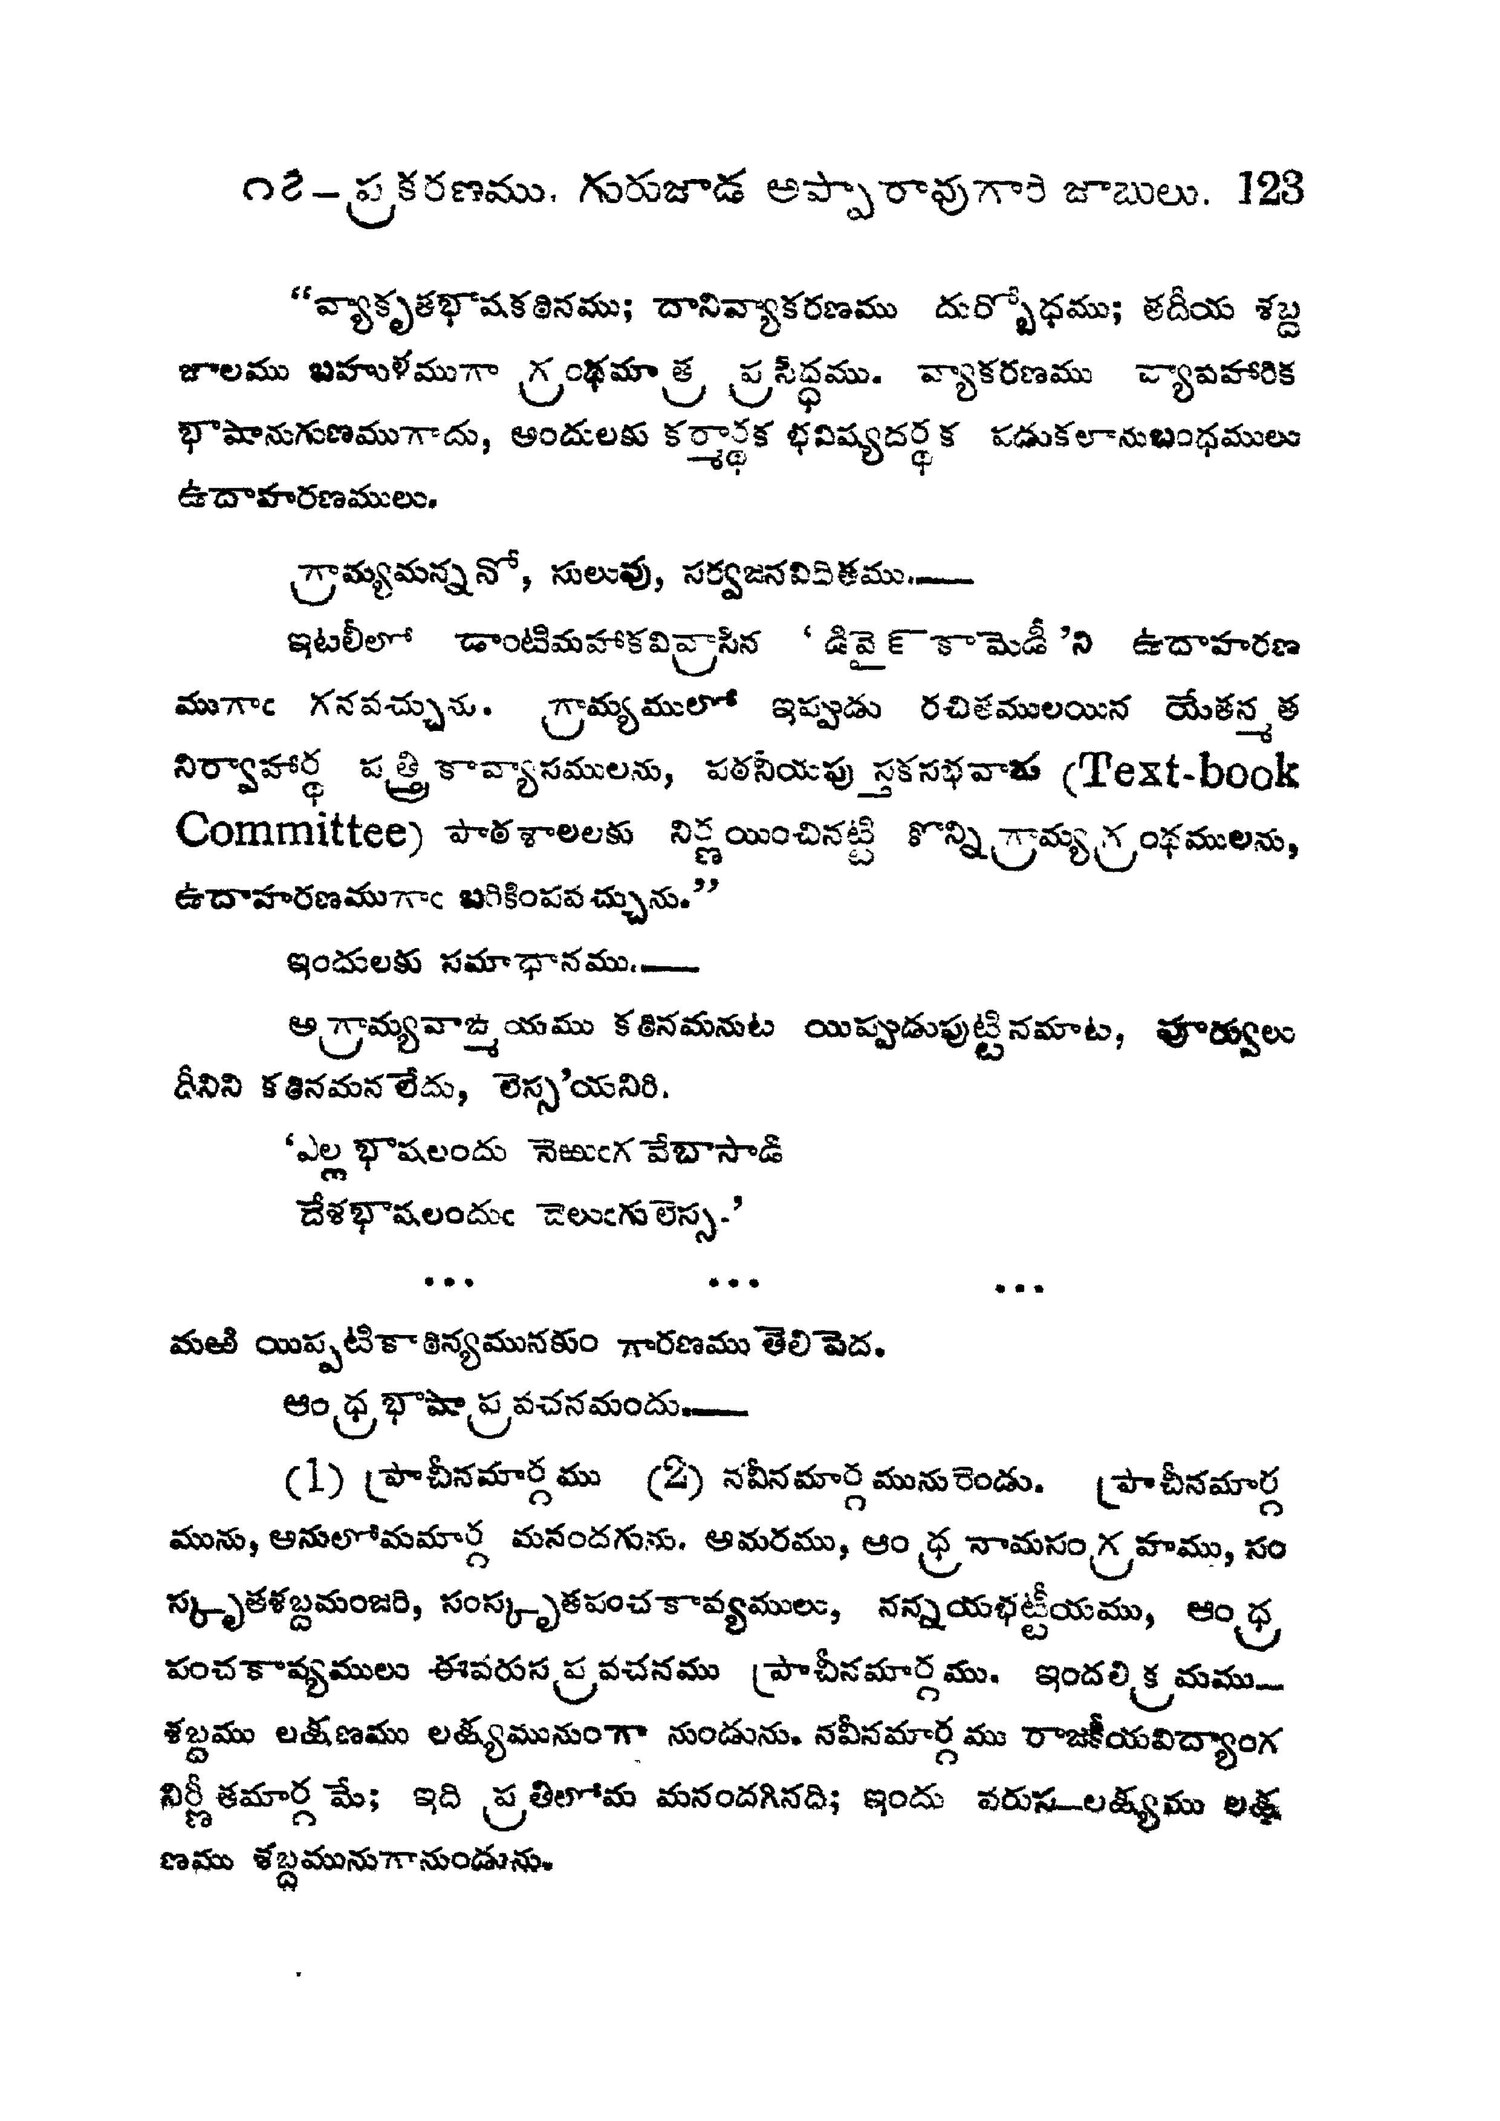"వ్యాకృతభాషకఠినము; దానివ్యాకరణము దుర్బోధము; తదీయ శబ్దజాలము బహుళముగా గ్రంథమాత్ర ప్రసిద్ధము. వ్యాకరణము వ్యావహారిక భాషానుగుణముగాదు, అందులకు కర్మార్థక భవిష్యదర్థక పడుకలానుబంధములు ఉదాహరణములు.

గ్రామ్యమన్ననో, సులువు, సర్వజనవిదితము-

ఇటలీలో డాంటిమహాకవివ్రాసిన 'డివైన్ కామెడీ'ని ఉదాహరణముగా గనవచ్చును. గ్రామ్యములో ఇప్పుడు రచితములయిన యేతన్మత నిర్వాహార్థ పత్రికావ్యాసములను, పఠనీయపుస్తకసభవారు (Text-book Committee) పాఠశాలలకు నిర్ణయించినట్టి కొన్నిగ్రామ్యగ్రంథములను, ఉదాహరణముగా బరికింపవచ్చును."

ఇందులకు సమాధానము.-

అగ్రామ్యవాఙ్మయము కఠినమనుట యిప్పుడుపుట్టినమాట, పూర్వులు దీనిని కఠినమనలేదు, లెస్స'యనిరి.

 'ఎల్ల భాషలందు నెఱుగ వేబాసాడి
 దేశభాషలందు దెలుగులెస్స.'

మఱి యిప్పటికాఠిన్యమునకుం గారణము తెలిపెద.

ఆంధ్రభాషాప్రవచనమందు-

(1) ప్రాచీనమార్గము (2) నవీనమార్గమునురెండు. ప్రాచీనమార్గమును, అనులోమమార్గ మనందగును. అమరము, ఆంధ్ర నామసంగ్రహము, సంస్కృతశబ్దమంజరి, సంస్కృతపంచ కావ్యములు, నన్నయభట్టీయము, ఆంధ్ర పంచకావ్యములు ఈవరుసప్రవచనము ప్రాచీనమార్గము. ఇందలిక్రమము - శబ్దము లక్షణము లక్ష్యమునుంగా నుండును. నవీనమార్గము రాజకీయవిద్యాంగ నిర్ణీతమార్గమే; ఇది ప్రతిలోమ మనందగినది; ఇందు వరుస-లక్ష్యము లక్షణము శబ్దమునుగానుండును.